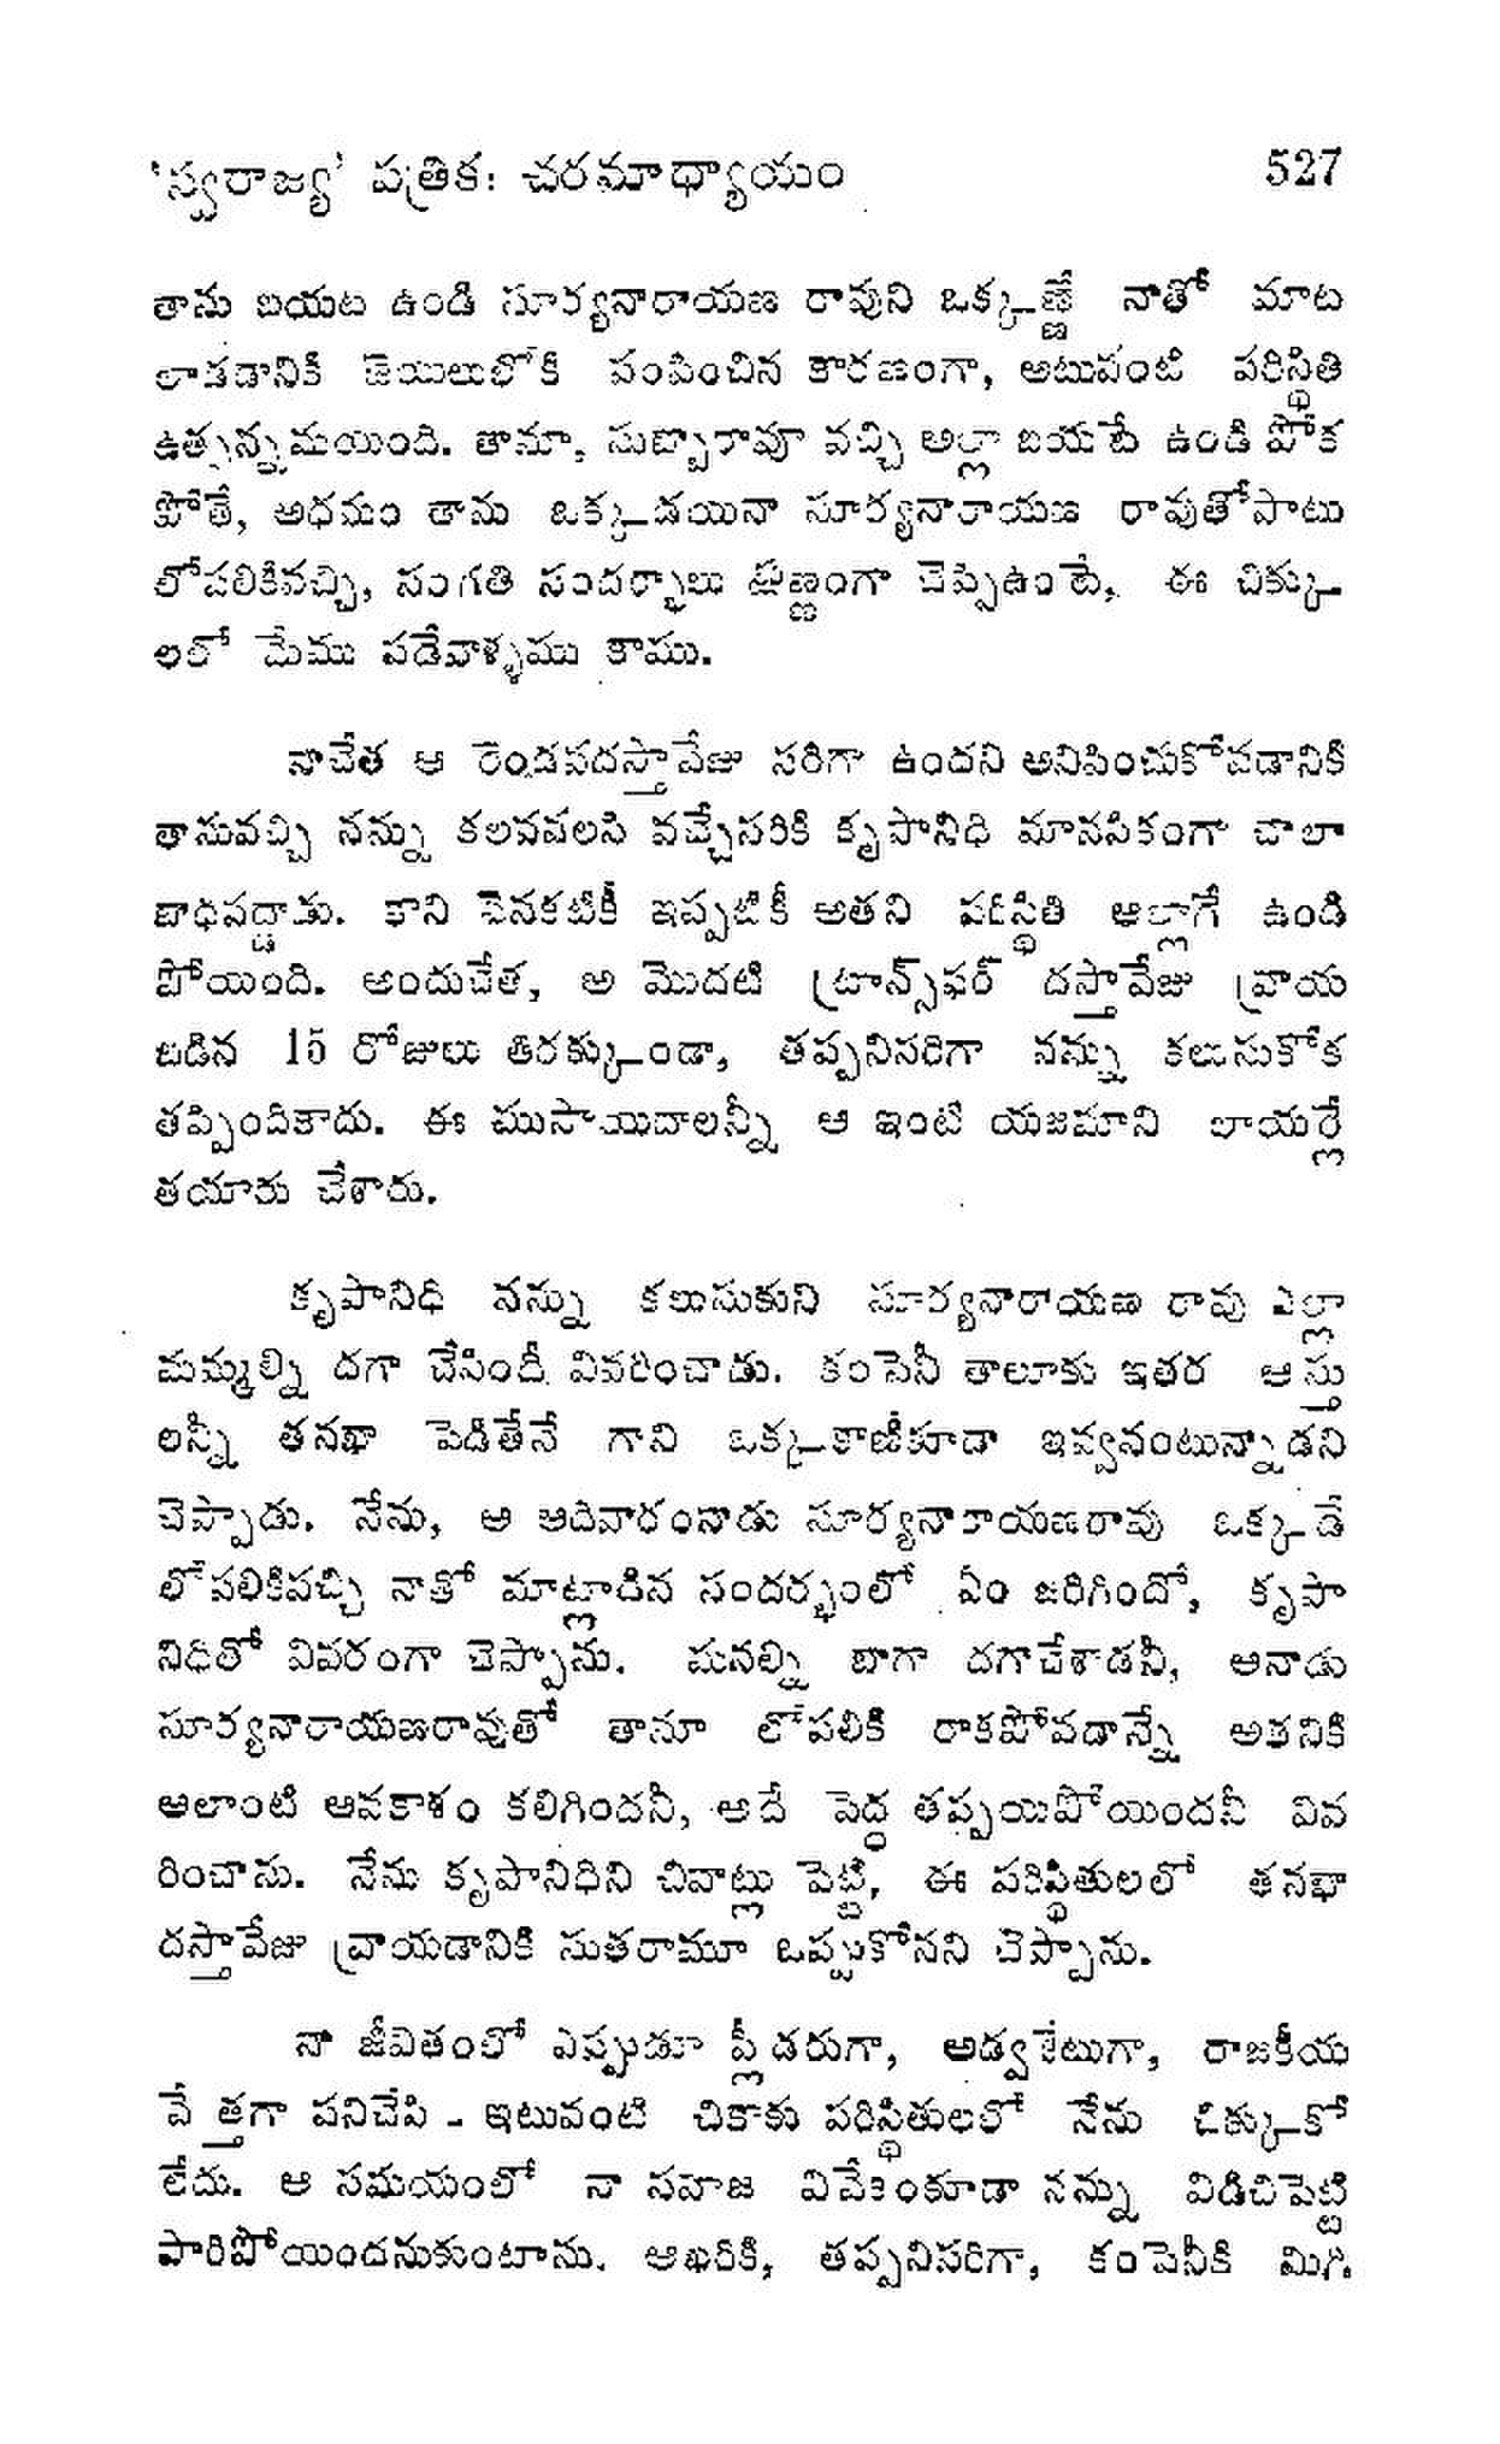తాను బయట ఉండి సూర్యనారాయణ రావుని ఒక్కణ్ణే నాతో మాటలాడడానికి జెయిలులోకి పంపించిన కారణంగా, అటువంటి పరిస్థితి ఉత్పన్నమయింది. తానూ, సుబ్బారావూ వచ్చి అల్లా బయటే ఉండిపోక పోతే, అధమం తాను ఒక్కడయినా సూర్యనారాయణ రావుతోపాటు లోపలికివచ్చి, సంగతి సందర్భాలు క్షుణ్ణంగా చెప్పిఉంటే, ఈ చిక్కులలో మేము పడేవాళ్ళము కాము.

నాచేత ఆ రెండవ దస్తావేజు సరిగా ఉందని అనిపించు కోవడానికి తానువచ్చి నన్ను కలవవలసి వచ్చేసరికి కృపానిధి మానసికంగా చాలా బాధపడ్డాడు. కాని వెనకటికీ ఇప్పటికీ ఆతని పరిస్థితి అల్లాగే ఉండిపోయింది. అందుచేత, ఆ మొదటి ట్రాన్స్‌ఫర్ దస్తావేజు వ్రాయబడిన 15 రోజులు తిరక్కుండా, తప్పనిసరిగా నన్ను కలుసుకోక తప్పింది కాదు. ఈ ముసాయిదాలన్నీ ఆ ఇంటి యజమాని లాయర్లే తయారు చేశారు.

కృపానిధి నన్ను కలుసుకుని సూర్యనారాయణ రావు ఎల్లా మమ్మల్ని దగా చేసిందీ వివరించాడు, కంపెనీ తాలూకు ఇతర ఆస్తులన్నీ తనఖా పెడితేనే గాని ఒక్కకాణీ కూడా ఇవ్వనంటున్నాడని చెప్పాడు. నేను, అ ఆదివారంనాడు సూర్యనారాయణరావు ఒక్కడే లోపలికి వచ్చి నాతో మాట్లాడిన సందర్భంలో ఏం జరిగిందో, కృపానిధితో వివరంగా చెప్పాను. మనల్ని బాగా దగాచేశాడనీ, ఆనాడు సూర్యనారాయణరావుతో తానూ లోపలికి రాక పోవడాన్నే అతనికి అలాంటి అవకాశం కలిగిందనీ, అదే పెద్ద తప్పయిపోయిందనీ వివరించాను. నేను కృపానిధిని చివాట్లు పెట్టి, ఈ పరిస్థితులలో తనఖా దస్తావేజు వ్రాయడానికి సుతరామూ ఒప్పుకోనని చెప్పాను.

నా జీవితంలో ఎప్పుడూ ప్లీడరుగా, అడ్వకేటుగా, రాజకీయ వేత్తగా పనిచేసి - ఇటువంటి చికాకు పరిస్థితులలో నేను చిక్కుకోలేదు. ఆ సమయంలో నా సహజ వివేకం కూడా నన్ను విడిచిపెట్టి పారిపోయిందను కుంటాను. ఆఖరికి, తప్పనిసరిగాం కంపెనీకి మిగి